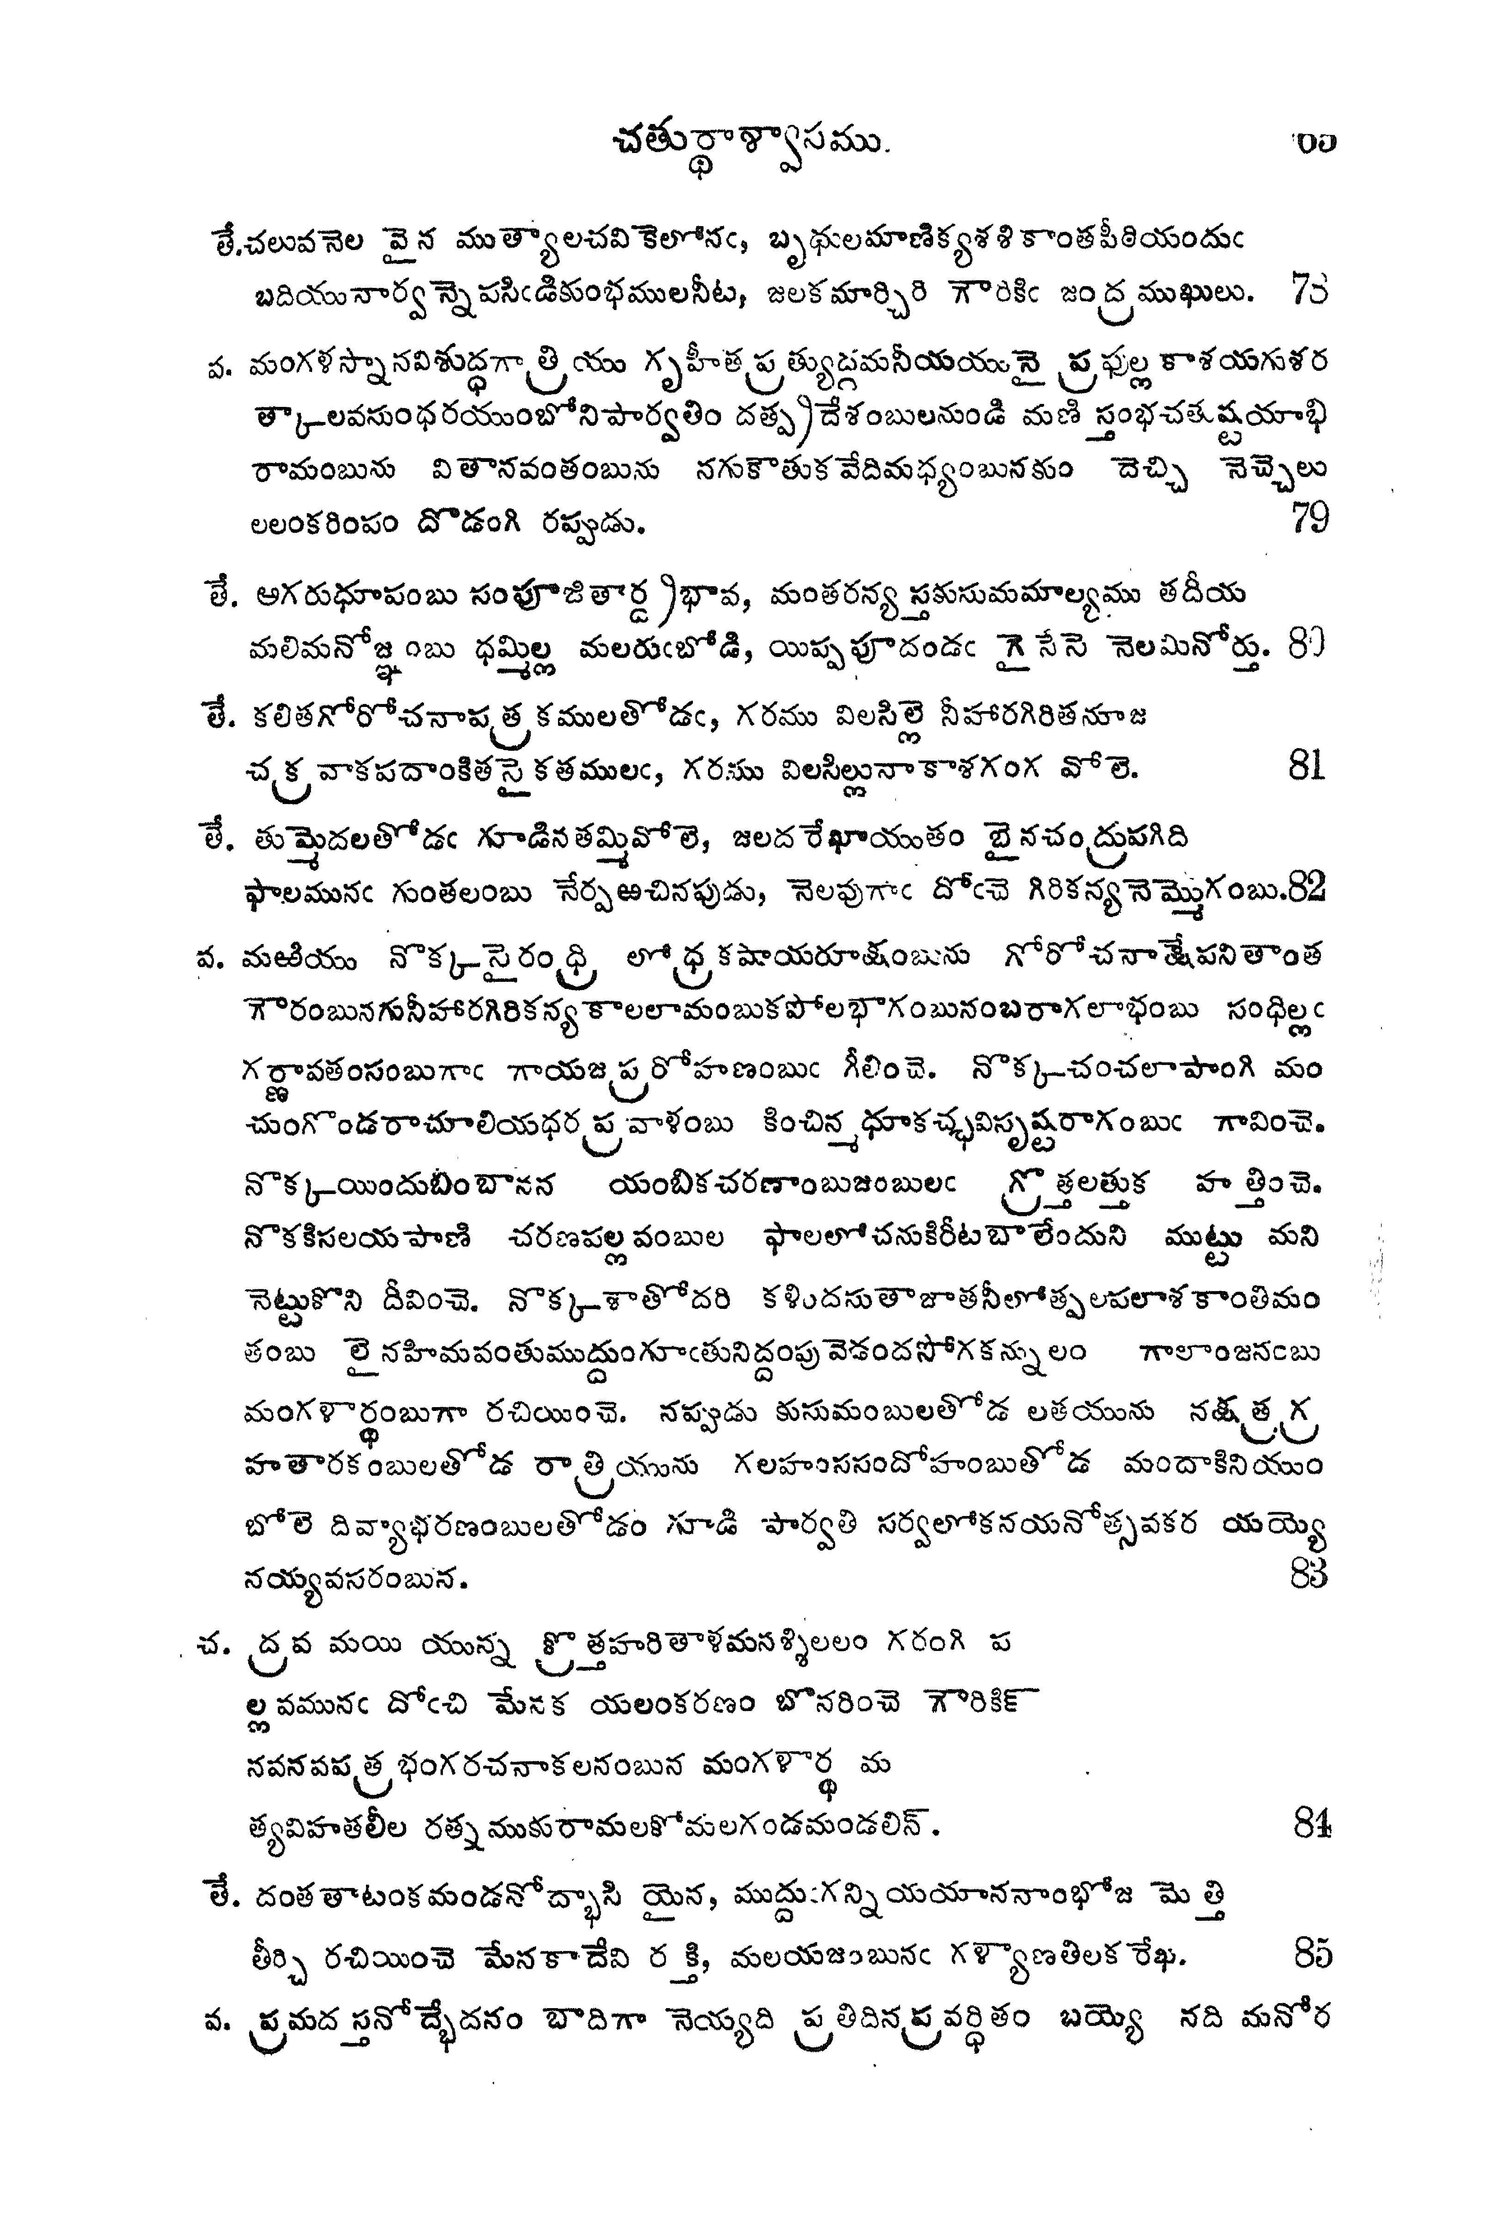తే. చలువనెల వైన ముత్యాలచవికెలోనఁ, బృథులమాణిక్యశశికాంతపీఠియందుఁ
బదియునార్వన్నెపసిఁడికుంభములనీట, జలక మార్చిరి గౌరికిఁ జంద్రముఖులు. 78

వ. మంగళస్నానవిశుద్ధగాత్రియు గృహీతప్రత్యుద్దమనీయయునై ప్రఫుల్లకాశయగుశరత్కాలవసుంధరయుంబోనిపార్వతిం దత్ప్రదేశంబులనుండి మణిస్తంభచతుష్టయాభిరామంబును వితానవంతంబును నగుకౌతుకవేదిమధ్యంబునకుం దెచ్చి నెచ్చెలు లలంకరింపం దొడంగి రప్పుడు. 79

తే. అగరుధూపంబు సంపూజితార్ద్రభావ, మంతరన్యస్తకుసుమమాల్యము తదీయ
మలిమనోజ్ఞంబు ధమ్మిల్ల మలరుఁబోడి, యిప్పపూదండఁ గైసేసె నెలమినోర్తు. 80

తే. కలితగోరోచనాపత్రకములతోడఁ, గరము విలసిల్లె నీహారగిరితనూజ
చక్రవాకపదాంకితసైకతములఁ, గరము విలసిల్లు నాకాశగంగ వోలె. 81

తే. తుమ్మెదలతోడఁ గూడిన తమివోలె, జలదరేఖాయుతం బైనచంద్రుపగిది
ఫాలమునఁ గుంతలంబు నేర్పఱచినపుడు, నెలవుగాఁ దోఁచె గిరికన్య నెమ్మొగంబు. 82

వ. మఱియు నొక్కసైరంధ్రి లోధ్రకషాయరూక్షంబును గోరోచనాక్షేపనితాంతగౌరంబు నగునీహారగిరికన్య కాలలామంబు కపోలభాగంబునం బరాగలాభంబు సంధిల్లఁ గర్ణావతంసంబుగాఁ గాయజప్రరోహణంబుఁ గీలించె. నొక్కచంచలాపాంగి మంచుంగొండరాచూలియధరప్రవాళంబు కించిన్మధూకచ్ఛవిస్పష్టరాగంబుఁ గావించె. నొక్కయిందుబింబానన యంబికచరణాంబుజంబులఁ కొత్తలత్తుక హత్తించె. నొకకిసలయపాణి చరణపల్లవంబుల ఫాలలోచనుకిరీటబాలేందుని ముట్టుమని నెట్టుకొని దీవించె. నొక్కశాతోదరి కళిందసుతాజాతనీలోత్పలపలాశకాంతిమంతంబు లైనహిమవంతుముద్దుంగూఁతునిద్దంపువెడందసోగకన్నులం గాలాంజనంబు మంగళార్థంబుగా రచియించె. నప్పుడు కుసుమంబులతోడ లతయును నక్షతగ్రహతారకంబులతోడ రాత్రియును గలహంససందోహంబుతోడ మందాకినియుం బోలె దివ్యాభరణంబులతోడం గూడి పార్వతి సర్వలోకనయనోత్సవకర యయ్యె నయ్యవసరంబున. 83

చ. ద్రవ మయి యున్న కొత్తహరితాళమనశ్శిలలం గరంగి ప
ల్లవమునఁ దోఁచి మేనక యలంకరణం బొనరించె గౌరికిన్
నవనవపత్రభంగరచనాకలనంబున మంగళార్థ మ
త్యవిహతలీల రత్నముకురామలకోమలగండమండలిన్. 81

తే. దంతతాటంకమండనోద్భాసి యైన, ముద్దుఁగన్నియయాననాంభోజ మెత్తి
తీర్చి రచియించె మేనకాదేవి రక్తి, మలయజంబునఁ గళ్యాణతిలకరేఖ. 83

వ. ప్రమదస్తనోద్భేదనం బాదిగా నెయ్యది ప్రతిదిన ప్రవర్ధితం బయ్యె నది మనోర